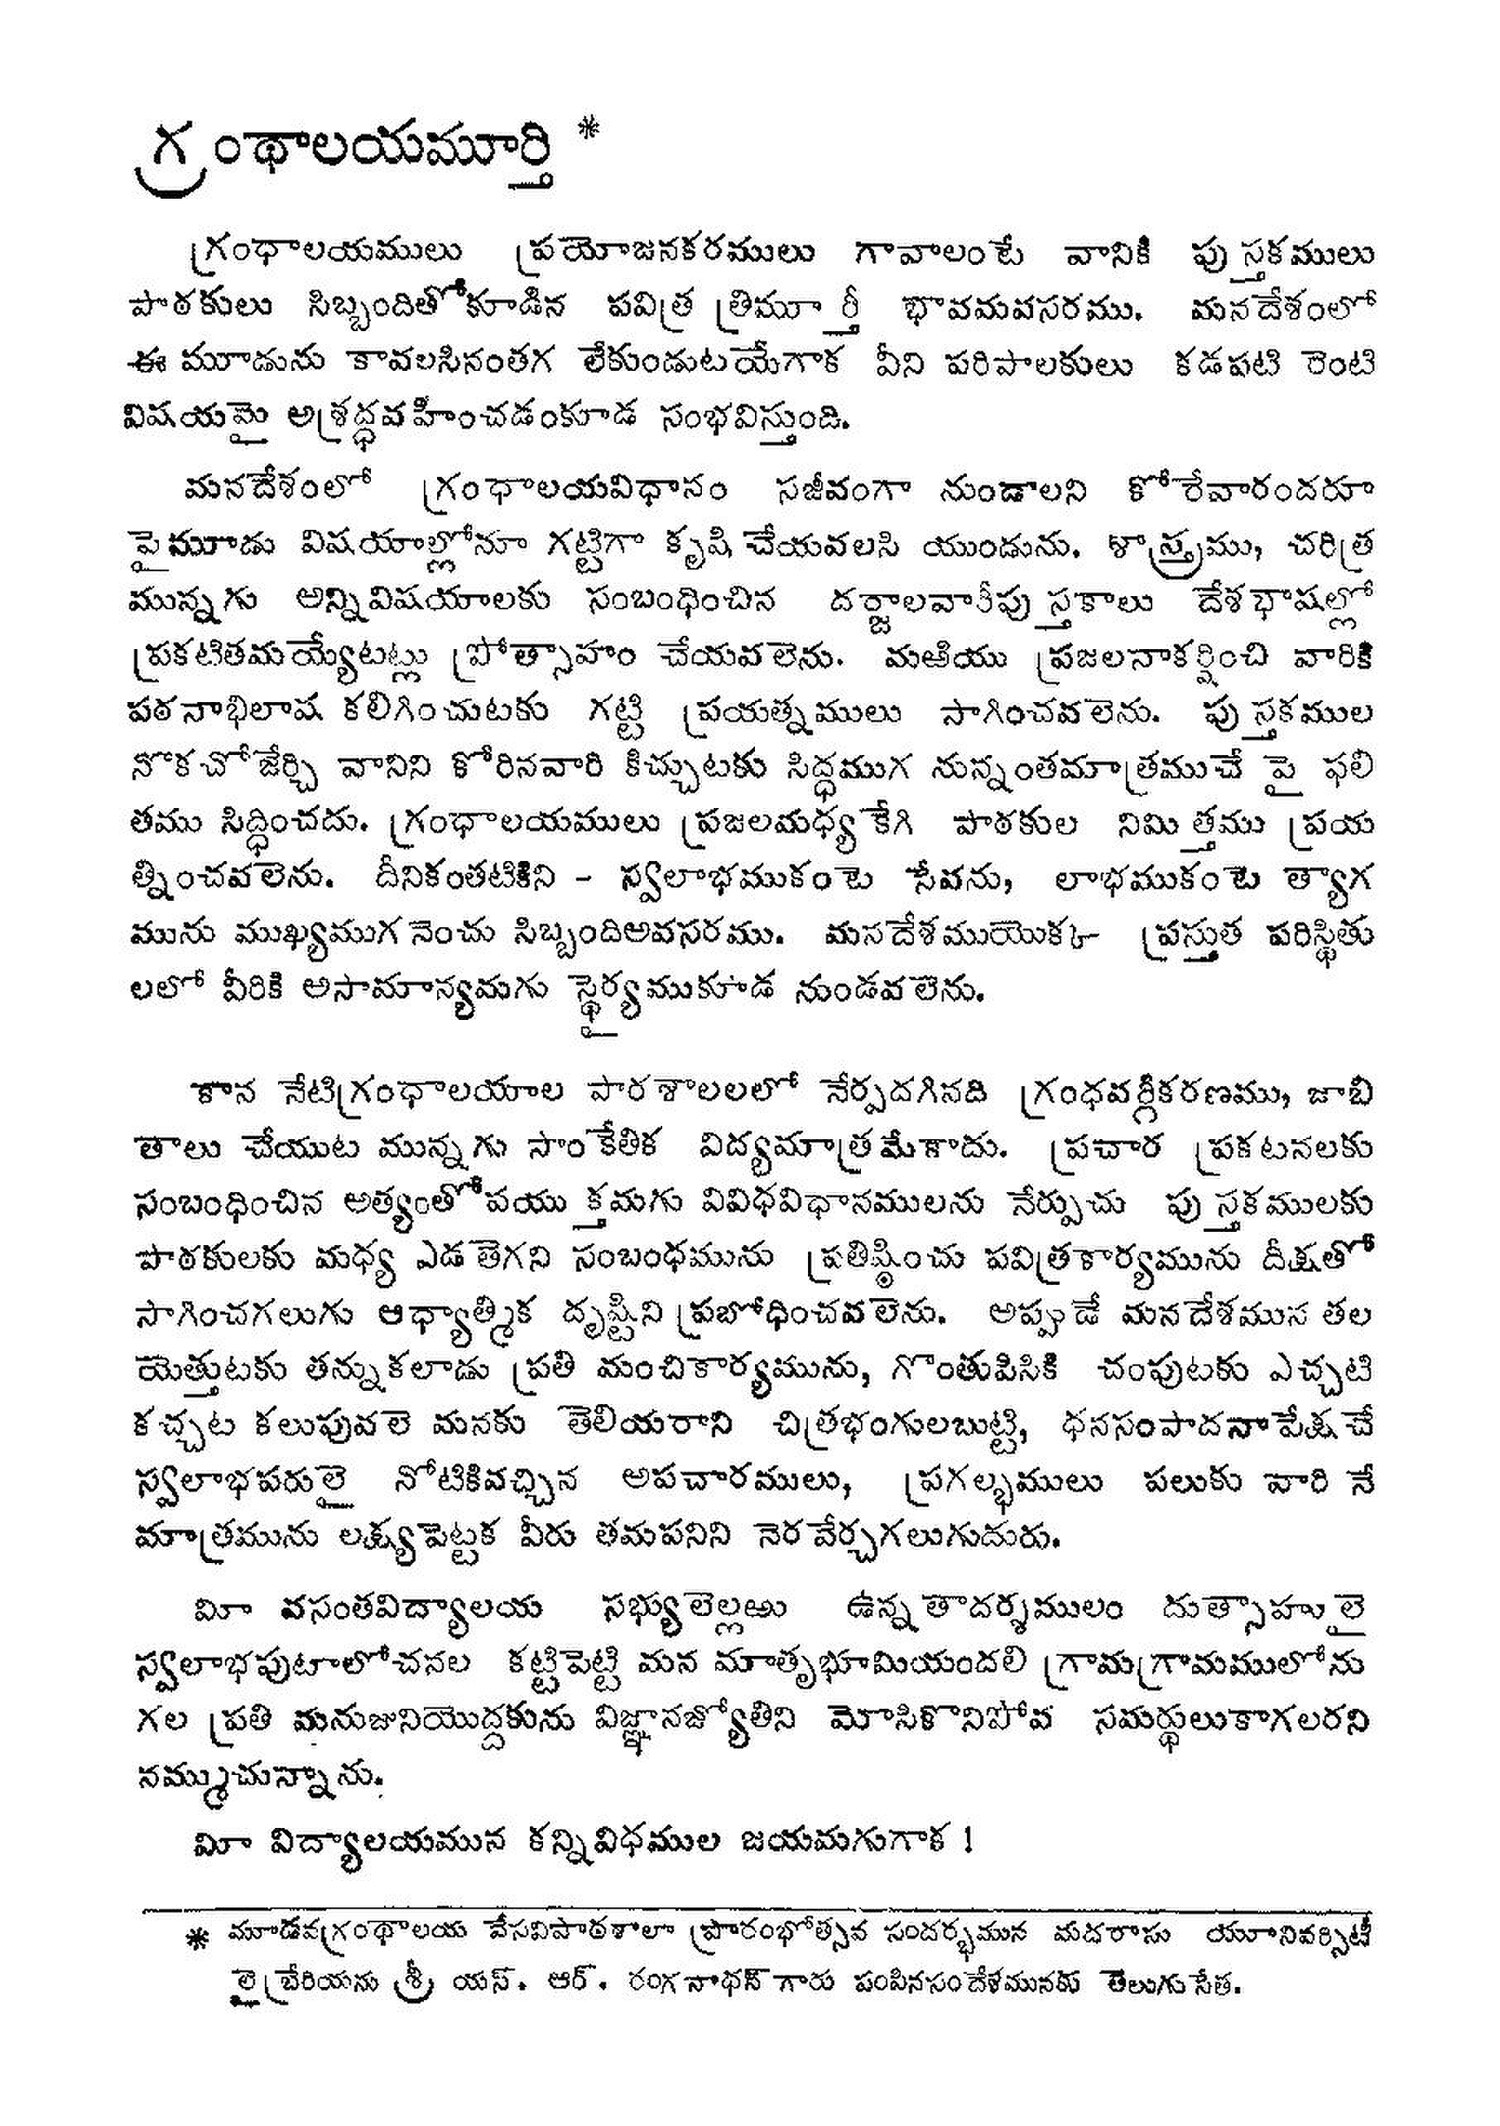గ్రంథాలయమూర్తి

గ్రంధాలయములు ప్రయోజనకరములు గావాలంటే వానికి పుస్తకములు పాఠకులు సిబ్బందితోకూడిన పవిత్ర త్రిమూర్తీ 
భావమవసరము. మనదేశంలో ఈ మూడును కావలసినంత లేకుండుటయేగాక వీని పరిపాలకులు కడపటి రెంటి
విషయమై అశ్రద్ధవహించడంకూడ సంభవిస్తుంది.

మనదేశంలో గ్రంధాలయవిధానం సజీవంగా నుండాలని కోరేవారందరూ పైమూడు విషయాల్లోనూ గట్టిగా కృషి చేయవలసి యుండును, శాస్త్రము, చరిత్ర మున్నగు అన్ని విషయాలకు సంబంధించిన దర్జాలవారీ పుస్తకాలు దేశభాషల్లో ప్రకటితమయ్యేటట్లు ప్రోత్సాహం చేయవలెను. మఱియు ప్రజలనాకర్షించి వారికి పఠ నాభిలాష కలిగించుటకు గట్టి ప్రయత్నములు సాగించవలెను. పుస్తకముల
నొకచో జేర్చి వానిని కోరినవారి కిచ్చుటకు సిద్ధముగ నున్నంతమాత్రముచే పై ఫలితము సిద్ధించదు. గ్రంధాలయములు ప్రజలమధ్య 
కేగి పాఠకుల నిమిత్తము ప్రయత్నించవలెను. దీనికంతటికిని స్వలాభముకంటె సేవను, లాభముకంటే త్యాగమును ముఖ్యముగ నెంచు సిబ్బంది అవసరము. మనదేశముయొక్క ప్రస్తుత పరిస్థితులలో వీరికి అసామాన్యమగు స్థైర్యముకూడ నుండవలెను.

కొన నేటి గ్రంధాలయాల పాఠశాలలలో నేర్పదగినది గ్రంధవర్గీకరణము, జాబీతాలు చేయుట మున్నగు సాంకేతిక విద్య మాత్రమేకాదు. ప్రచార ప్రకటనలకు సంబంధించిన అత్యంతోపయుక్తమగు వివిధవిధానములను నేర్పుచు పుస్తకములకు పాఠకులకు మధ్య ఎడ తెగని సంబంధమును ప్రతిష్ఠించు పవిత్రకార్యమును దీక్షతో సాగించగలుగు ఆధ్యాత్మిక దృష్టిని ప్రబోధించవలెను. అప్పుడే మన దేశమున
తలయెత్తుటకు తన్నుకలాడు ప్రతి మంచికార్యమును, గొంతు పిసికి చంపుటకు ఎచ్చటికచ్చట కలుపువలె మనకు తెలియరాని చిత్రభంగులబుట్టి, ధనసంపాదనాపేక్షచే స్వలాభపరులై నోటికి వచ్చిన అపచారములు, ప్రగల్భములు పలుకు వారి నే మాత్రమును లక్ష్యపెట్టక వీరు తమ పనిని నెర వేర్చగలుగుదురు.

మీ వసంతవిద్యాలయ సభ్యులెల్లఱు ఉన్నతాదర్శములం దుత్సాహులై స్వలాభపుటాలోచనల కట్టిపెట్టి మన మాతృభూమియందలి గ్రామగ్రామములోను గల ప్రతి మనుజునియొద్దకును విజ్ఞానజ్యోతిని మోసికొనిపోవ సమర్థులు కాగలరని నమ్ముచున్నాను.

మీ విద్యాలయమున కన్ని విధముల జయమగుగాక !